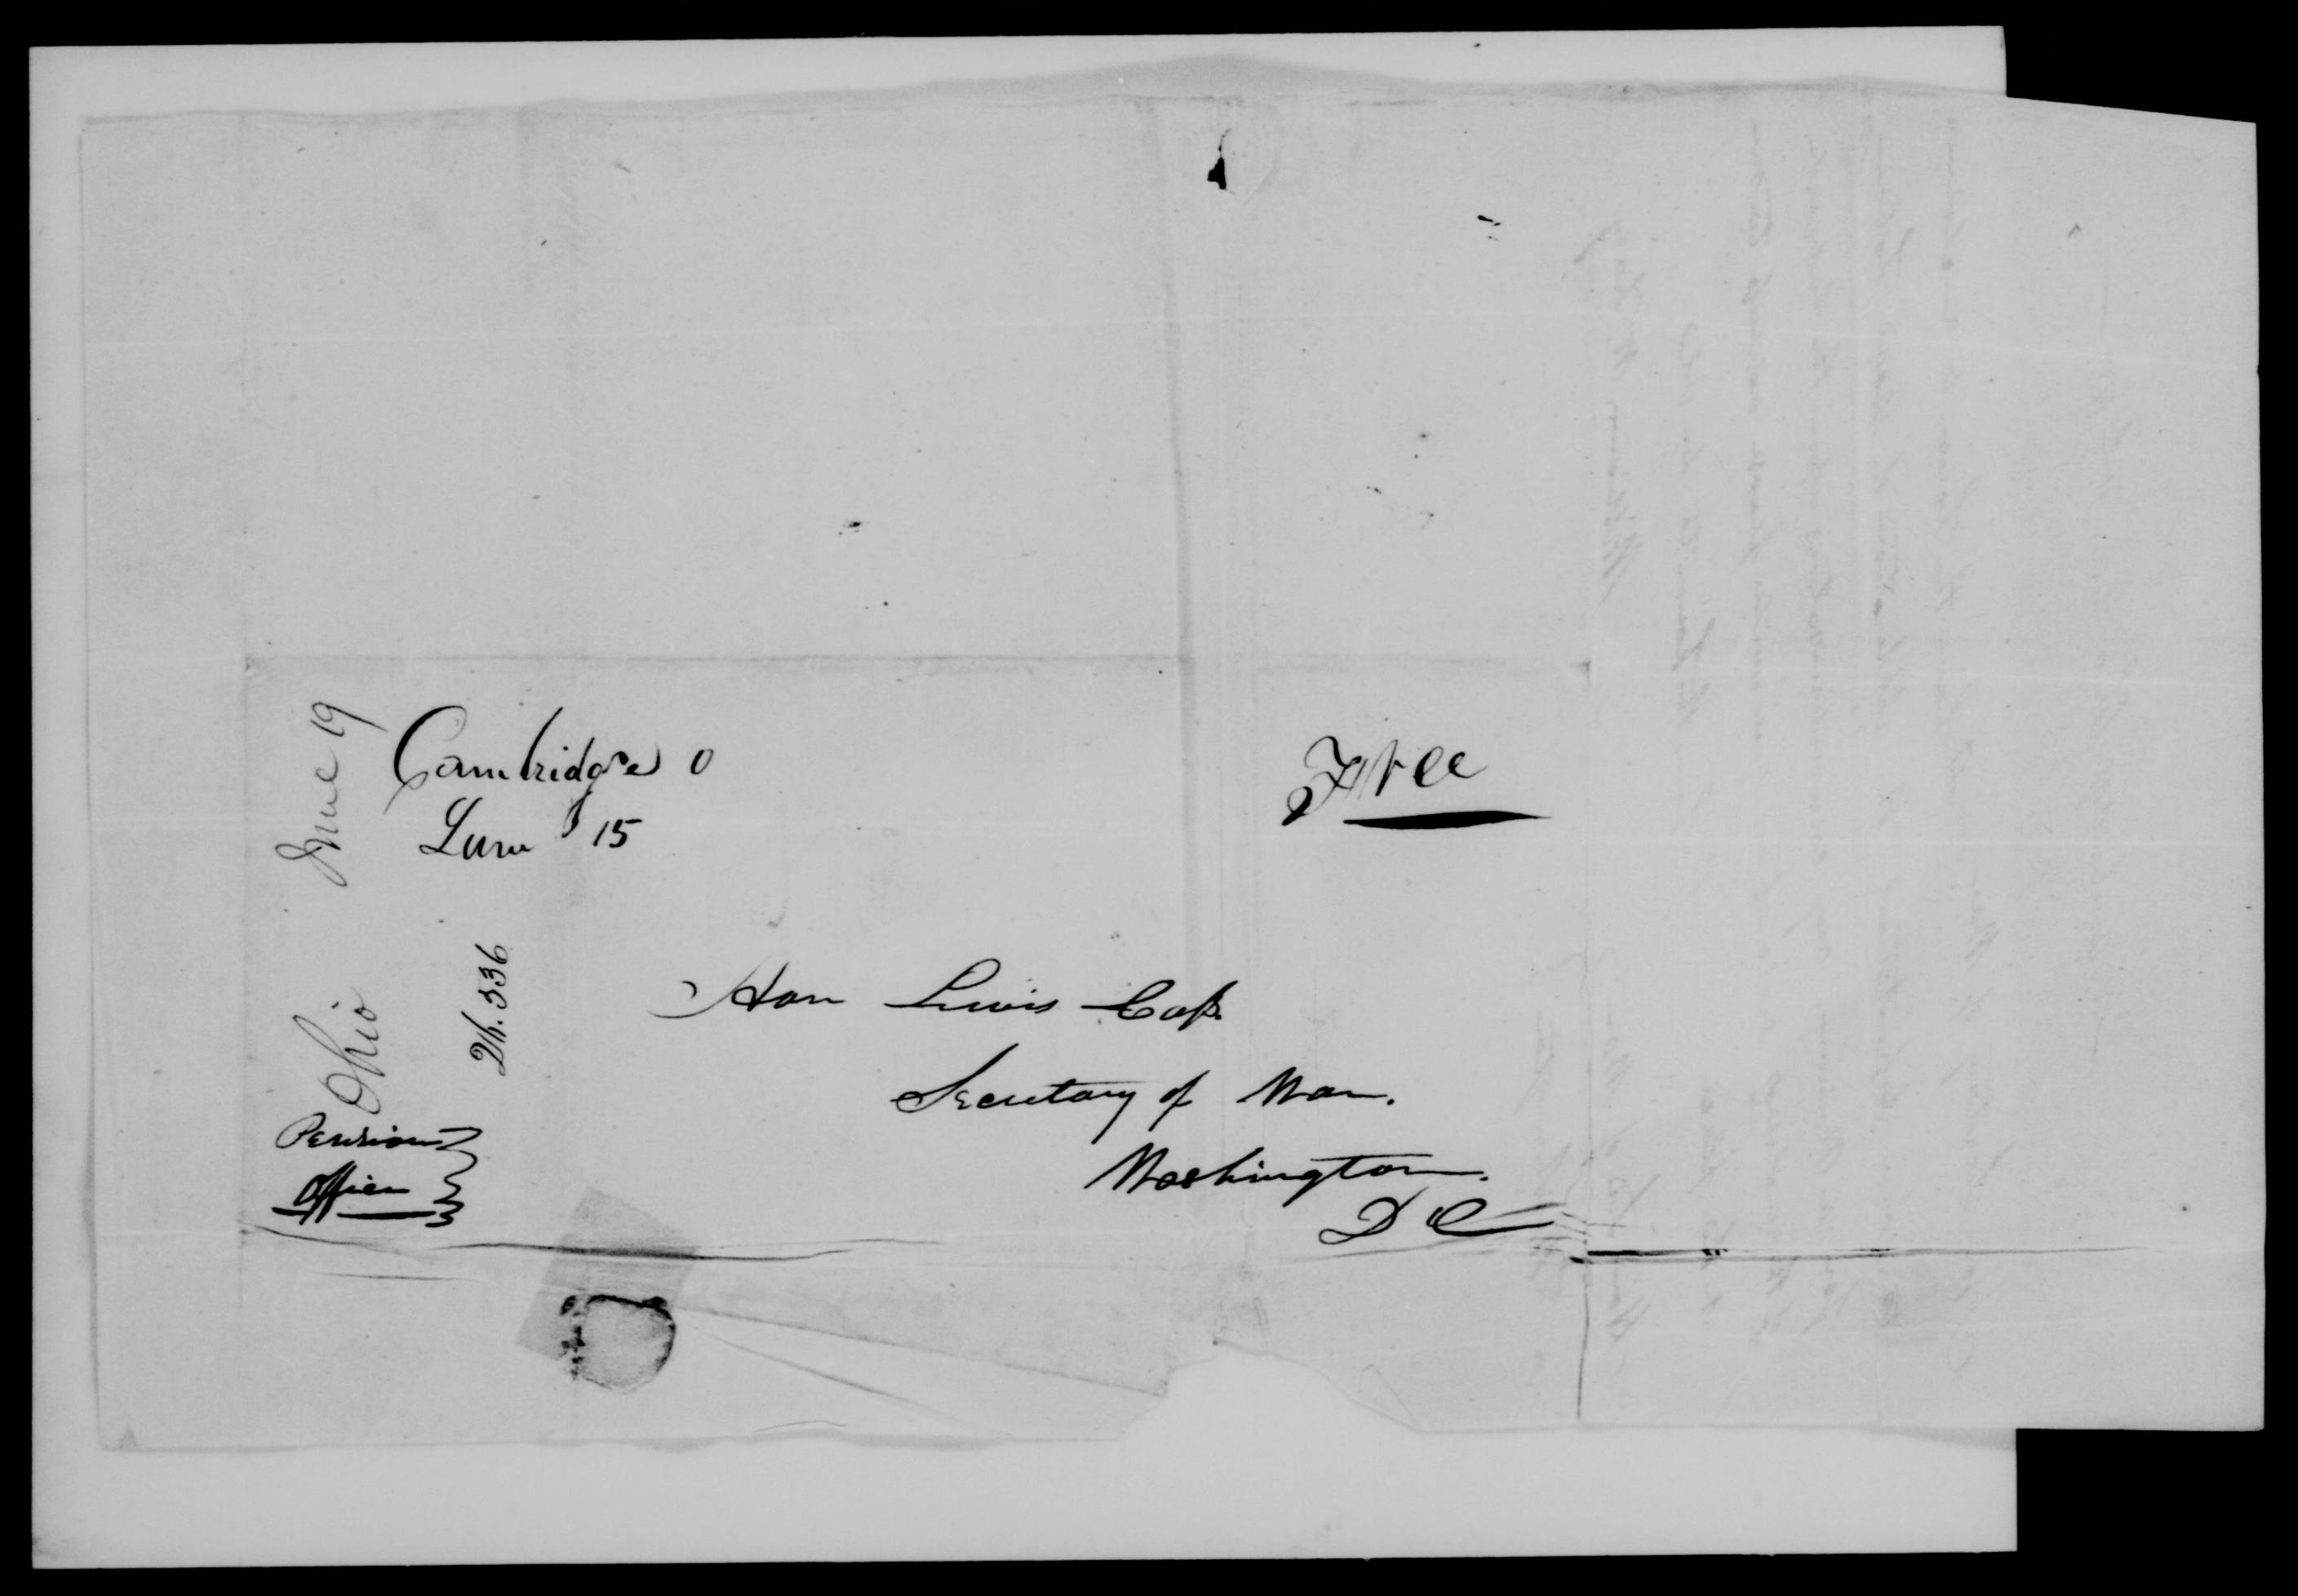Free

Cambridge O
June 19
[unclear] 15

Hon Lewis Cass
Secretary of War
Washington
DC

Ohio
Dh. 336
Pension
Office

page: 24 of 25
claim: survivor's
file: S. 6258, for Isaac Tobin, New Jersey